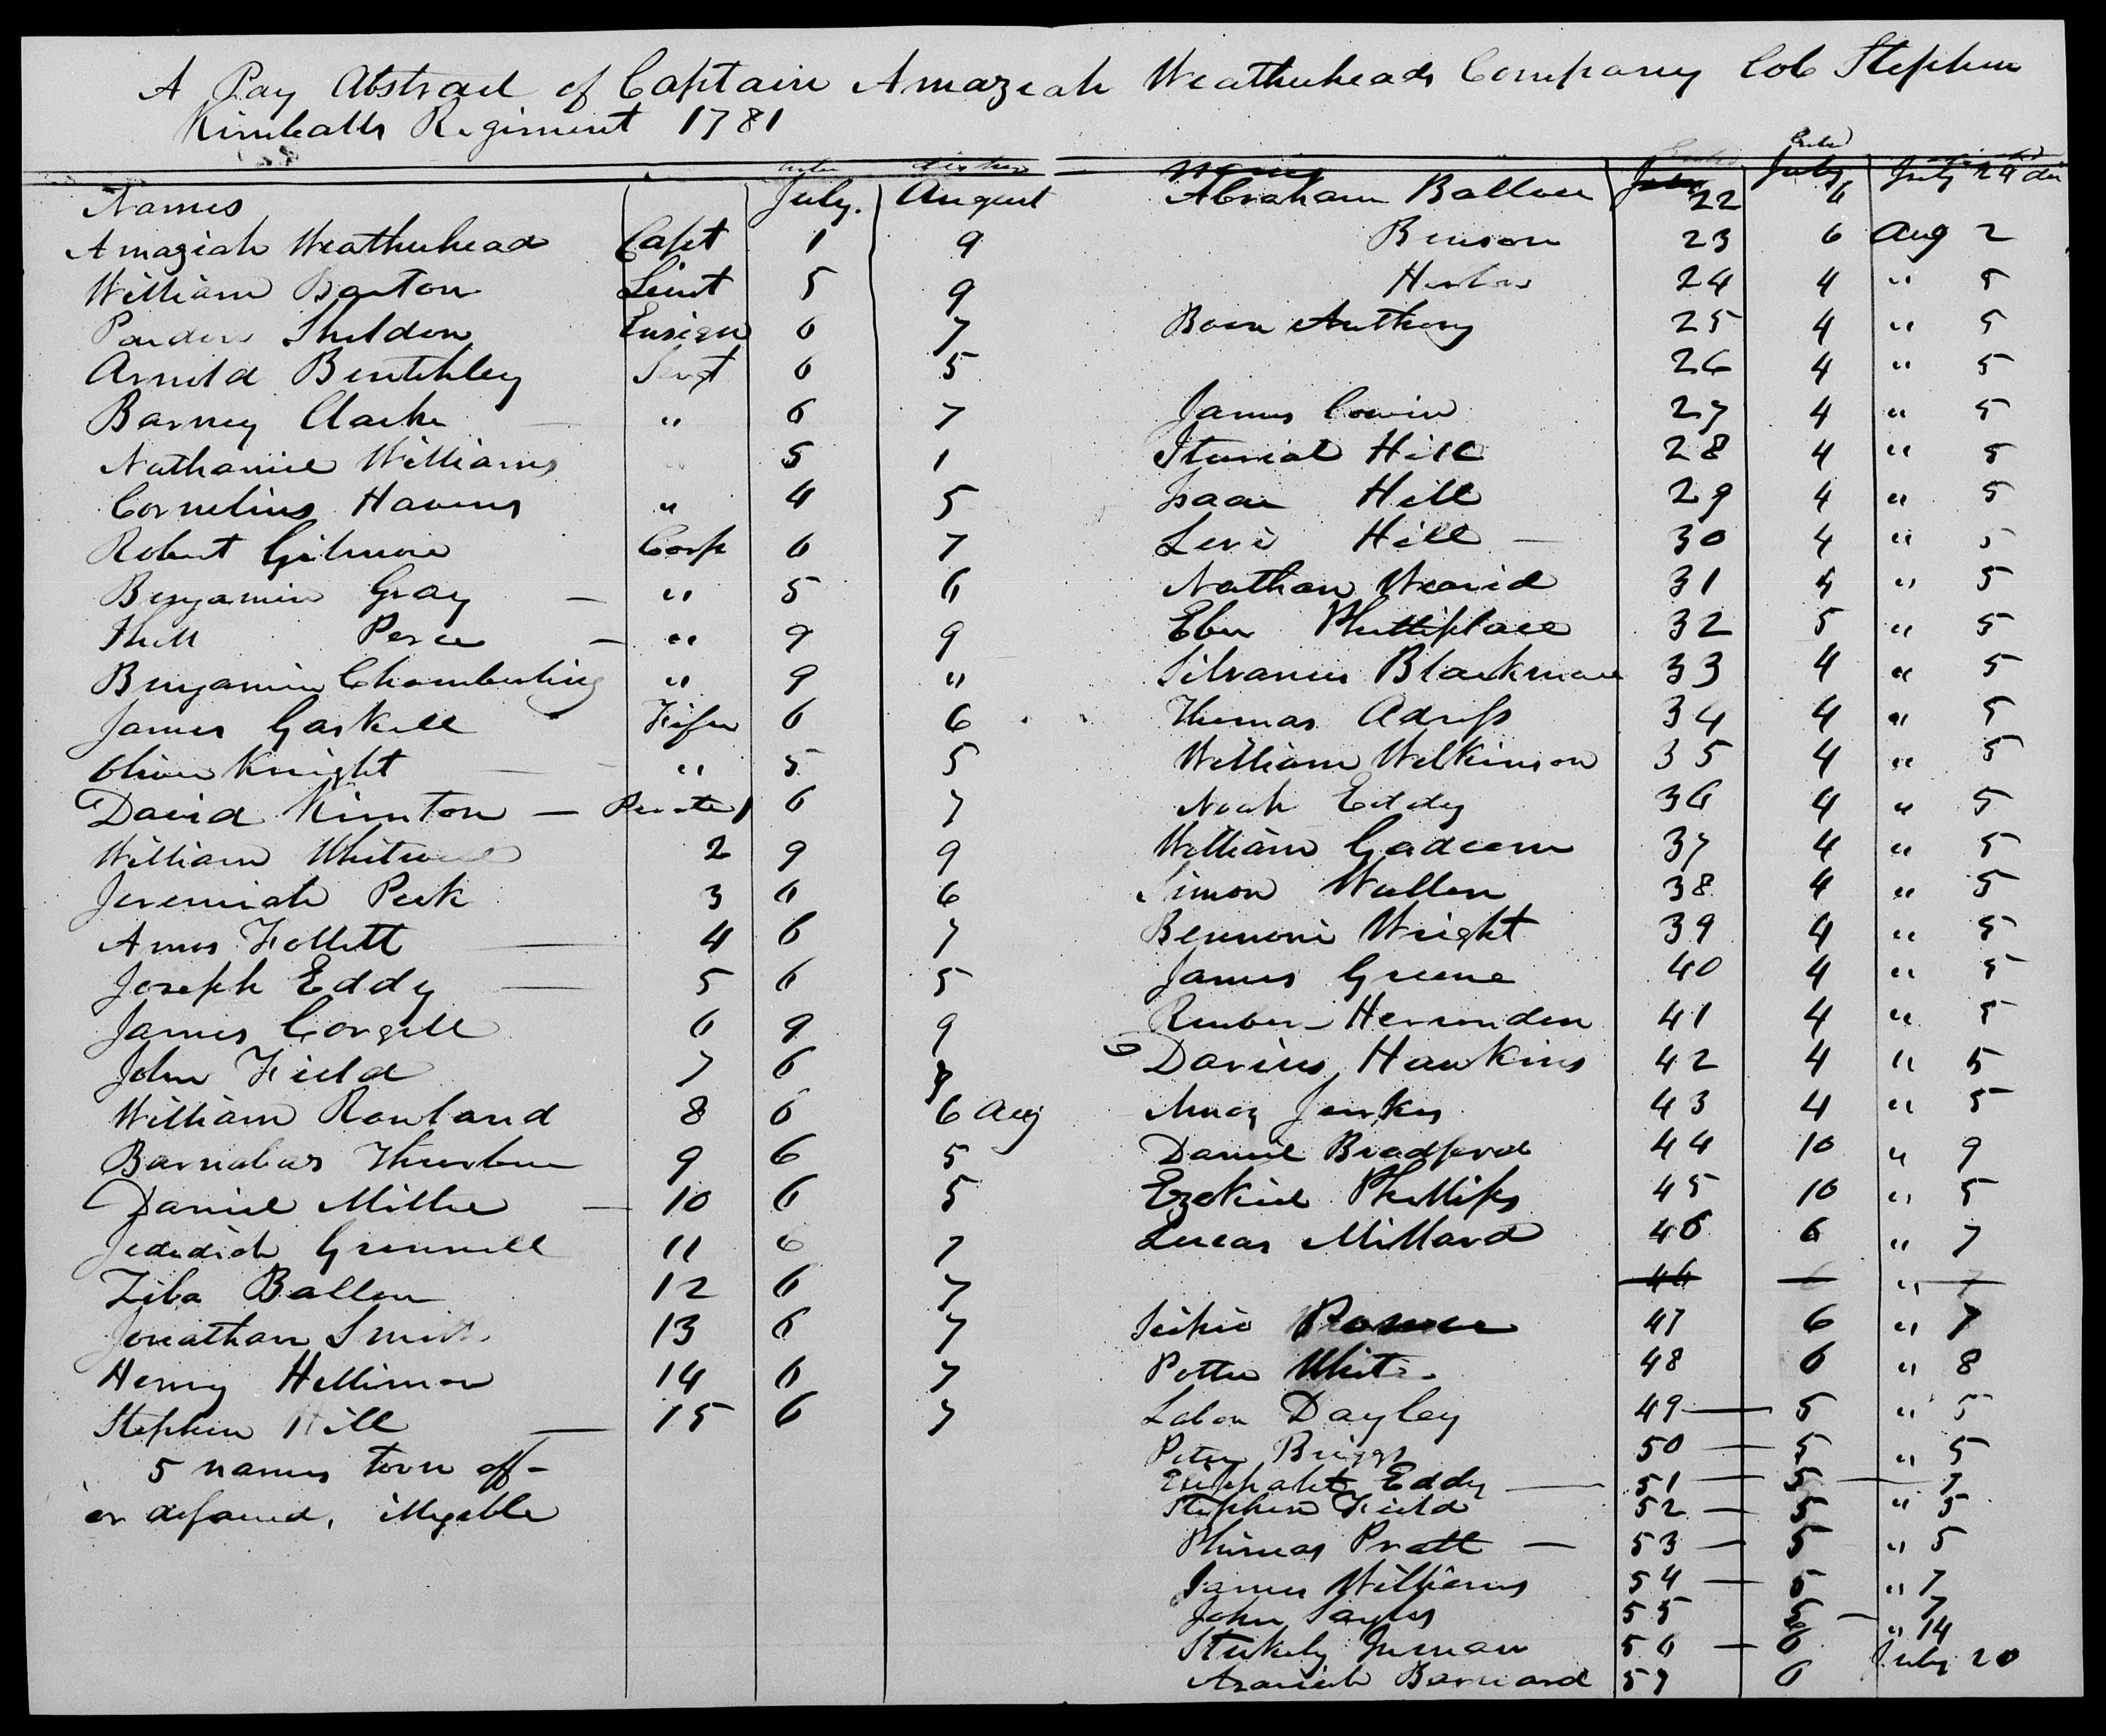A Pay Abstract of Captain Amazeah Weatherheads Company Col. Stephen Kimballs Regiment 1781 
Names Amaziah Weatherhead Capt. enter July 1, discharge August 9
William Barton Lieut. enter July 5, discharge August 9
Pardon Sheldon Ensign enter July 6, discharge August 7
Arnold Bentchley Sergt. enter July 6, discharge August 5
Barney Clarke " enter July 6 descharge August 7
Nathaniel Williams " enter July 5, discharge August 1
Cornelius Havens " enter July 4, discharge August 5
Robert Gilmore Corp enter July 6 discharge August 7
Benjamin Gray " enter July 5, discharge August 6
Thm Perce " enter July 9, discharge August 9
Benjamin Chamberling " enter July 9, discharge August "
James Gaskell Fifer enter July 6, discharge August 6
Oliver Knight " enter July 5, discharge August 5
David Kimton Private 1, enter July 6, discharge August 7
William Whitwell 2, enter July 9, discharge August 9
Jeremiah Peck 3, enter July 6, discharge August 6
Amos Follett 4, enter July 6, discharge August 6
Joseph Eddy 5, enter July 6, discharge August 5
James Corgill 6, enter July 6, discharge August 9
John Field 7, enter July 6, discharge August 7
William Rowlan 8, enter July 6, discharge August 6 Auug
Barnabus Thurburn 9, enter July 6, discharge August 5
Daniel Miller 10, enter July 6, discharge August 5
Jedidiah Grennell 11, enter July 6, discharge August 7
Ziba Ballon 12, enter July 6, discharge August 7
Jonathan Smith 13, enter July 6, discharge August 7
Henry hilliman 13, enter July 6, discharge August 7
Stephen Hill 15, enter July 6, discharge August 7
5 names town off or defaced, illegible
Names Abraham Ballou 22 enter July 6, discharged July 24 [illegible]
Benson 23, enter July 6, discharge Aug. 2
Herton 24, enter July 4, discharge " 5
Boen Anthony 25, enter July 4, discharge " 5
26 enter July 4, discharge " 5
James Cowin 27, enter July 4, discharged " 5
Itaniel Hill 28, enter July 4, discharge " 5
Isaac Hill 29, enter July 4, discharge " 5
Levi Hill 30, enter July 4, discharge " 5
Nathan Wearid 31, enter July 4, discharge " 5
Eber Phetteplace 32, enter July 5, discharge " 5
Silvanus Blackmar 33, entery July 4, discharge "5
Thomas Adress 34, enter July 4, discharge " 5
William Wilkinson 35, enter July 4, discharge " 5
Noah Eddy 36, enter July 4, discharge "5
William Gadcom 37, enter July 4, discharge " 5
Simon Wallen 38, enter July 4, discharge " 5
Bennoni Wright 39, enter July 4, discharge " 5
James Greene 40, enter July 4, discharge " 5
Reuben Herenden 41, enter July 4, discharge " 5
Darius Hawkins 42, enter July 4, discharge August 5
Amos Jenkis 43, enter July 4, discharge " 5
Daniel Bradford 44, enter July 10, discharge " 9
Ezekiel Phillips 45, enter July 10, discharge " 5
Lucas Willard 46, enter July 6, discharge " 7
Scipio Pascoe 47, enter July 6, discharge " 7
Potter White 48, enter July 6, discharge " 8
Labon Dayley 49, enter July 5, discharge " 5
Peter Briggs 50, enter July 5, discharge " 5
Eliphabet Eddy 51, enter July 5, discharge " 7
Stephen Field 52, enter July 5, discharge " 5
Phineas Pratt 53, enter July 5, discharge " 5
James Williams 54, enter July 5, discharge " 7
John Sayles 55, enter July 5, discharge " 7
Stokely Inman 56, enter July 6, discharge " 14
Azariah Barnard 59, enter July 6, discharge July 20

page: 62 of 76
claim: widow's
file: W. 15,517, William Gadcomb, R.I.